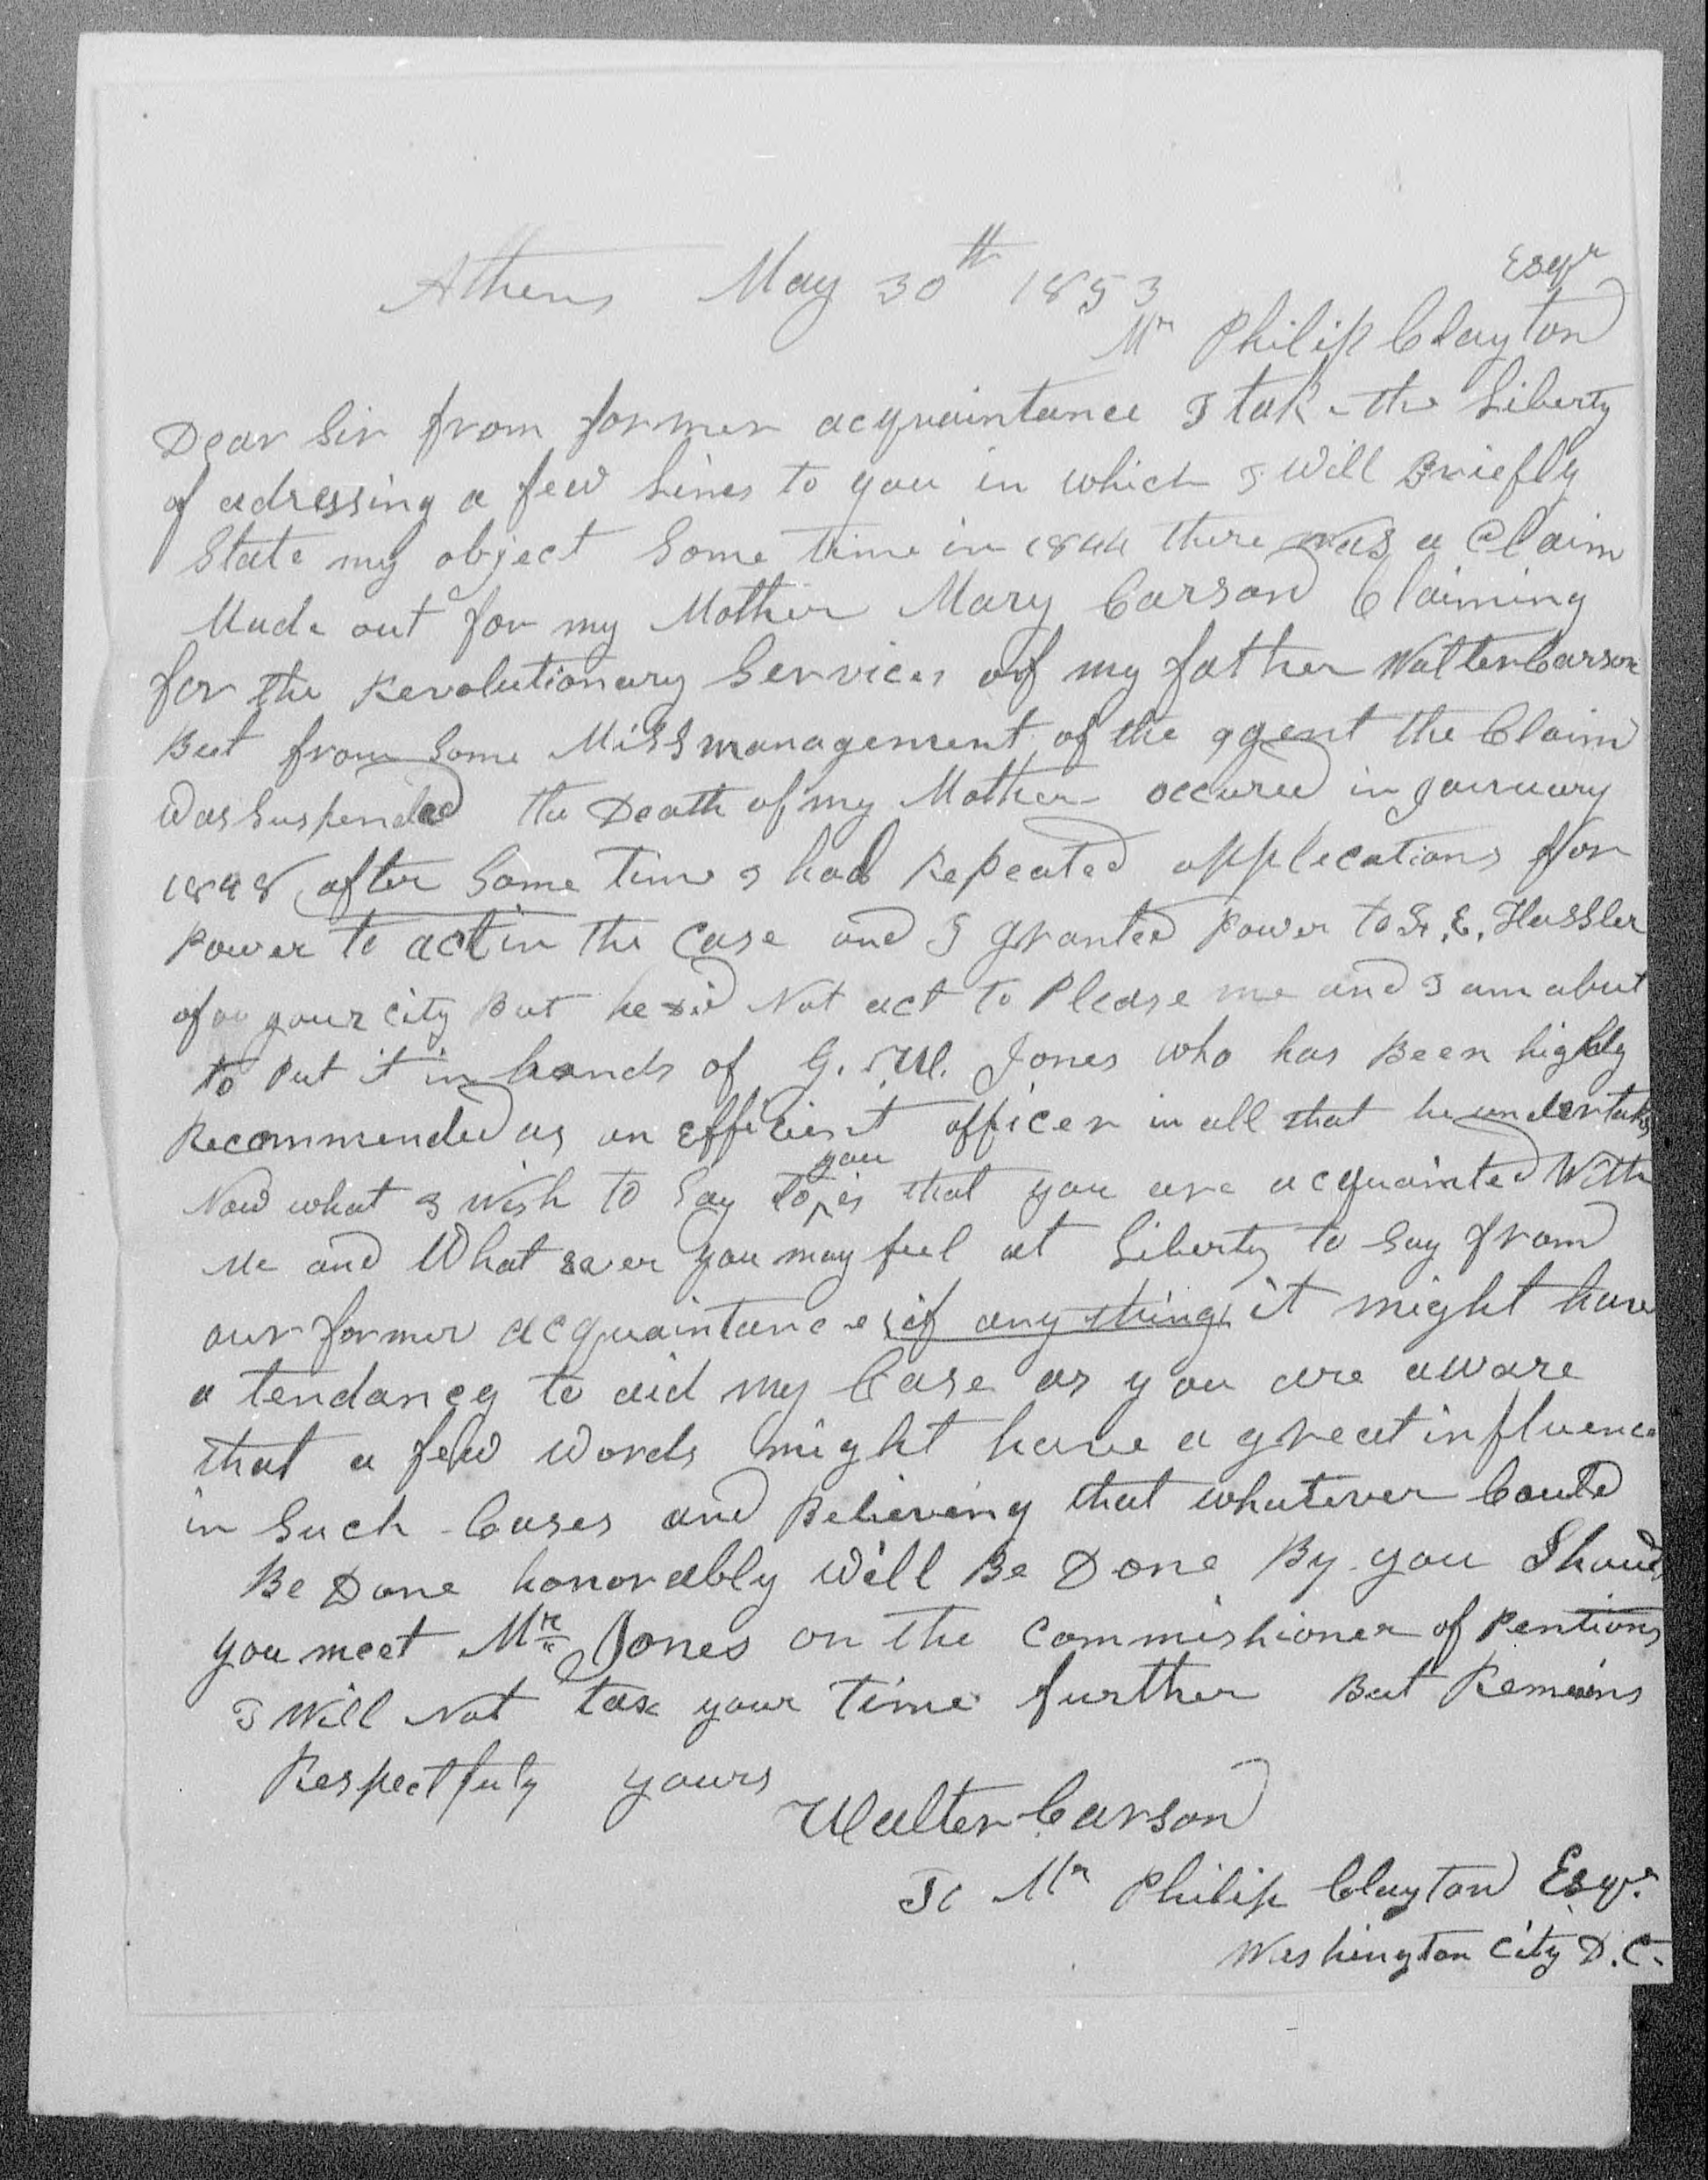Athens May 30th 1853
Mr Philip Clayton Esqr
Dear Sir from former acquaintance I take the Liberty of adressing a few lines to you in which I will briefly State my object. Some time in 1844 there was a claim made out for my Mother Mary Carson Claiming for the Revolutionary Services of my father Walter Carson But from some missmanagement of the agent the Claim was suspended. The Death of my Mother occured in January 1848 after some time I had repeated applications for power to act in the case and I granted power to F. E. Hassler of your city but he did not act to please me and I am about to put it in hands of G. M. Jones who has been highly Recommended as an efficient officer in all that he undertakes. Now what I wish to say to you is that you are acquainted with me and what ever you may feel at liberty to say from our former acquaintance (if anything) it might have a tendancy to aid my case as you are aware that a few words might have a great influence in such cases and believing that whatever could be done honorably will be done by you. Should you meet Mr. Jones on the commissioner of pentions I will not tax your time further but remains
Respectfully Yours
Walter Carson
To Mr Philip Clayton Esqr.
Washington City D.C.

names: Philip Clayton, Mary Carson, Jones, Philip Clayton, Walter Carson, G M Jones, Walter Carson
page: 24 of 34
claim: rejected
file: R. 1,738, Walter Carson, N.C. S.C.